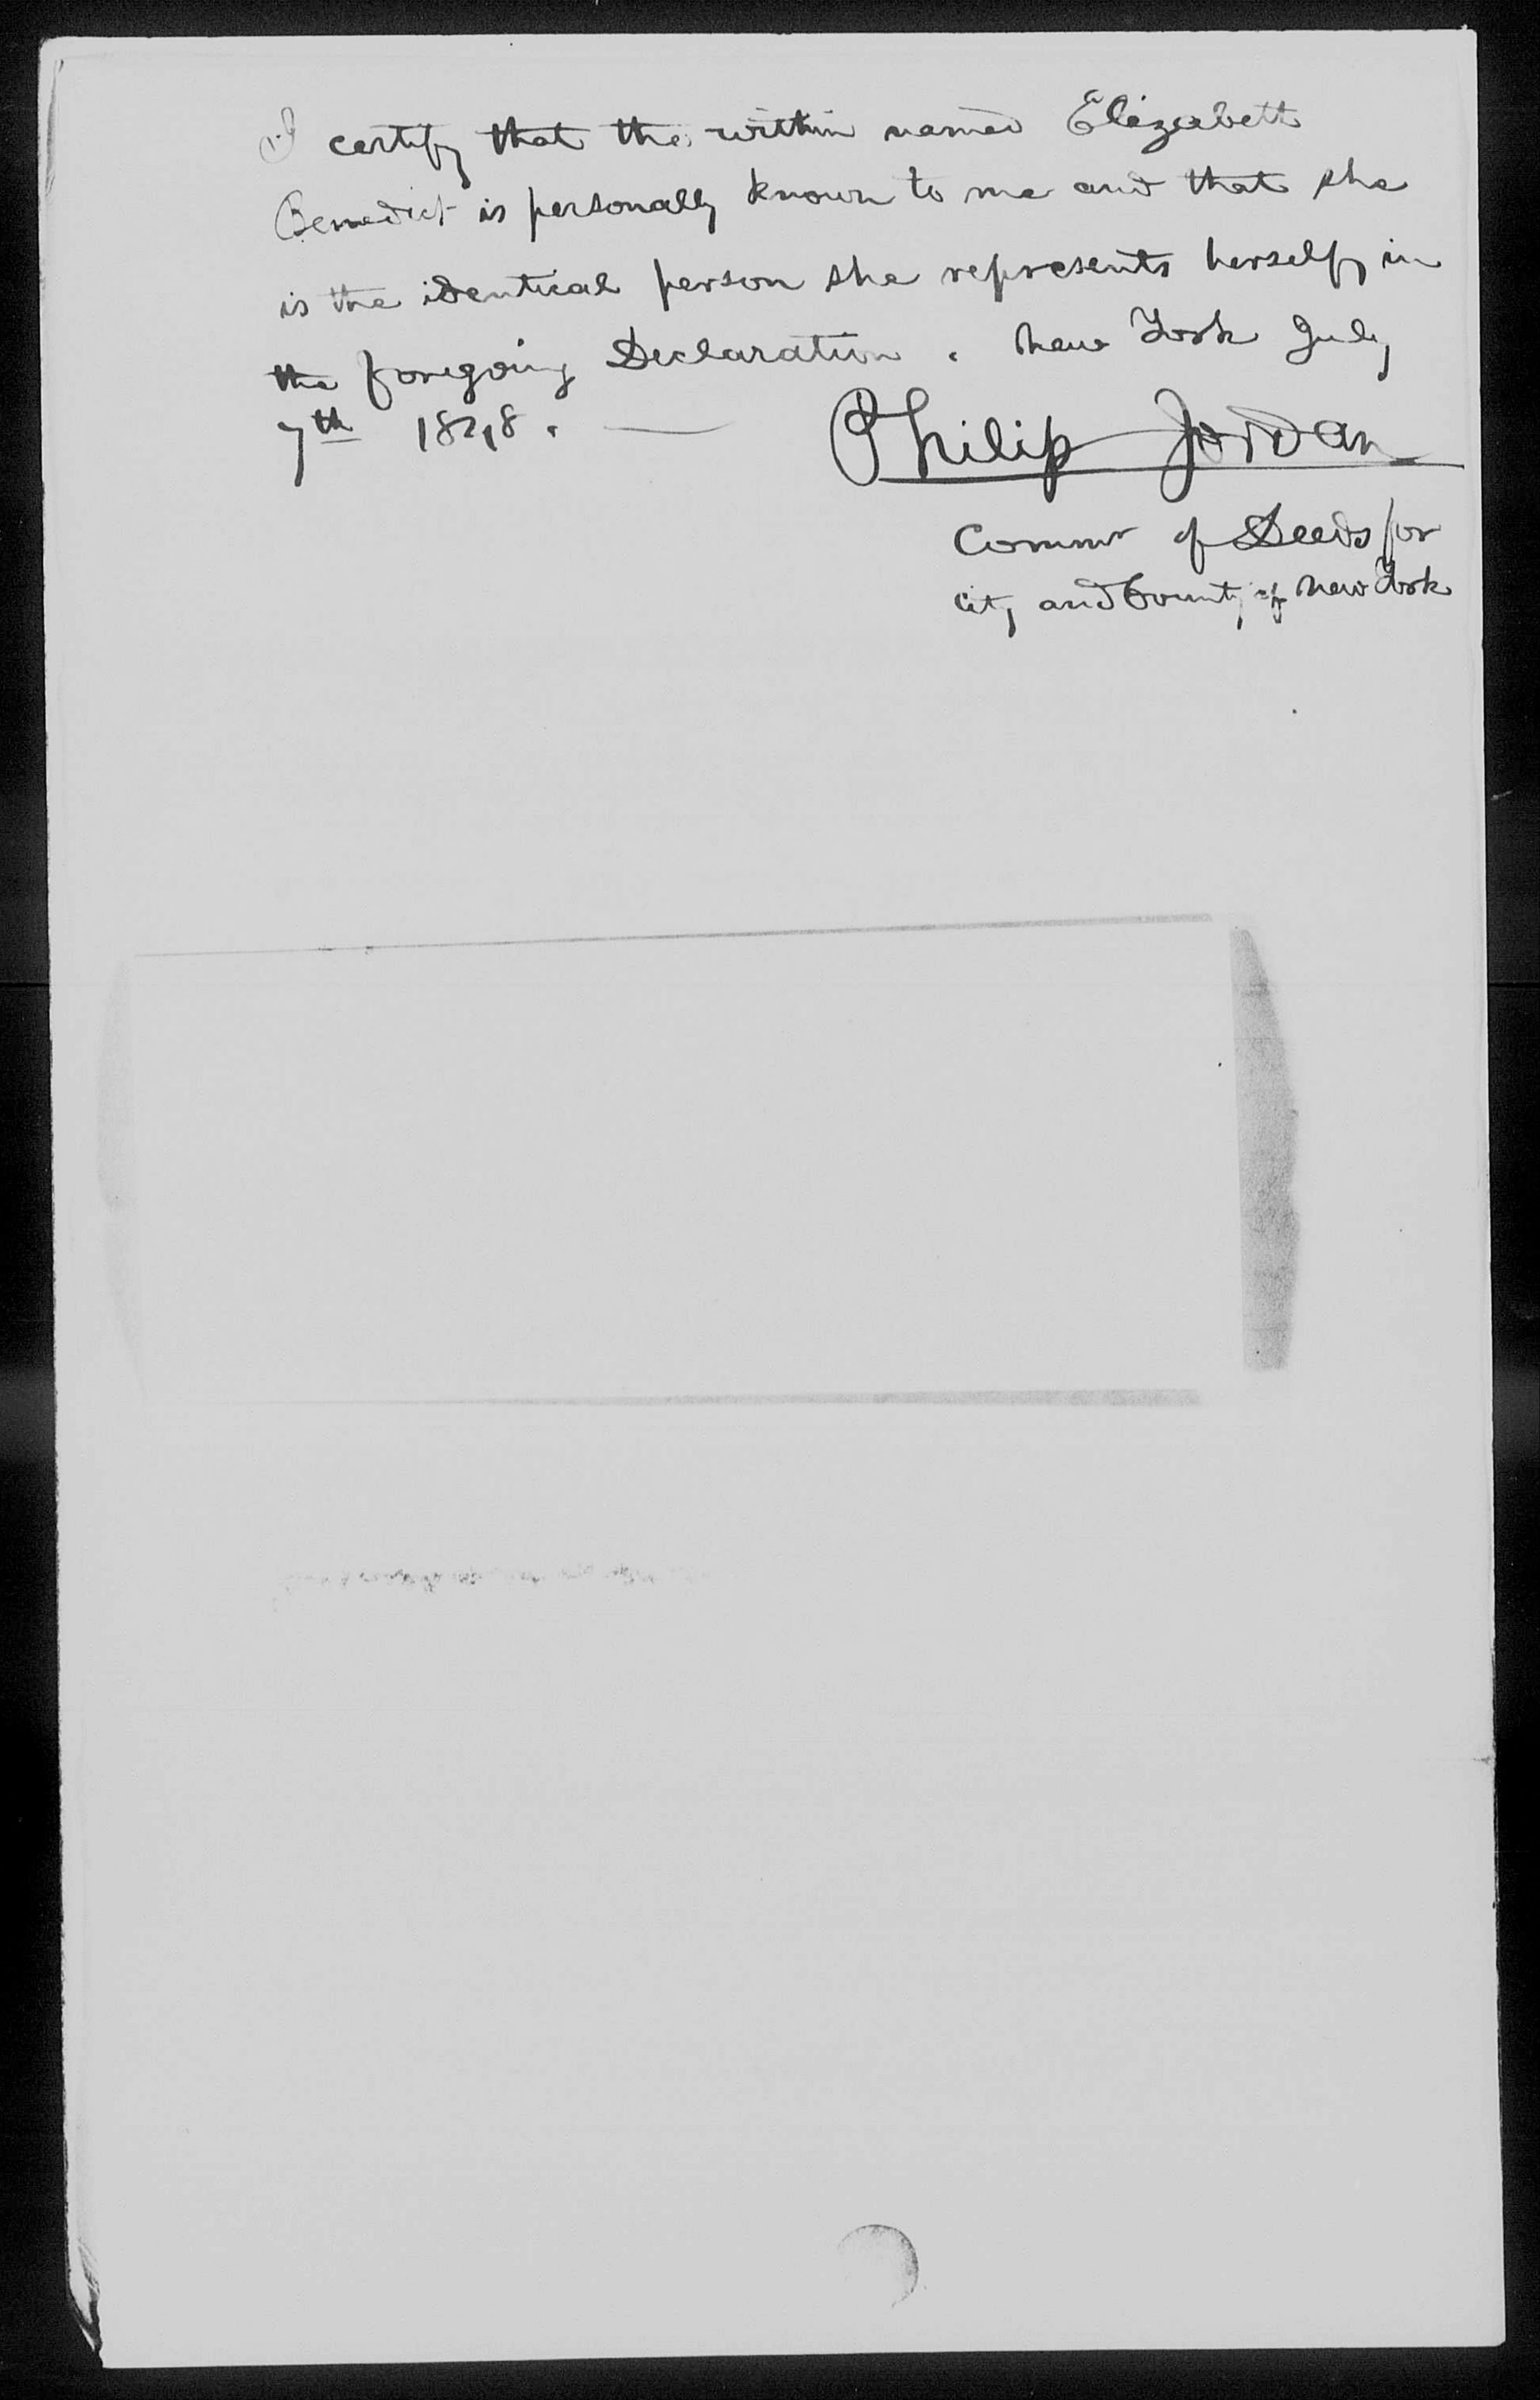I certify that the within named Elizabeth
Benedict is personally known to me and that she
is the identical person she represents herself in
the foregoing Declaration                      New York July
7th 1848
                                       Philip Jordan
                                          Commr of Deeds for
                                            City and County of New York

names: Elizabeth Benedict, Philip Jordan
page: 45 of 56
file: [ILLEGIBLE], Jonah Benedict, Conn.